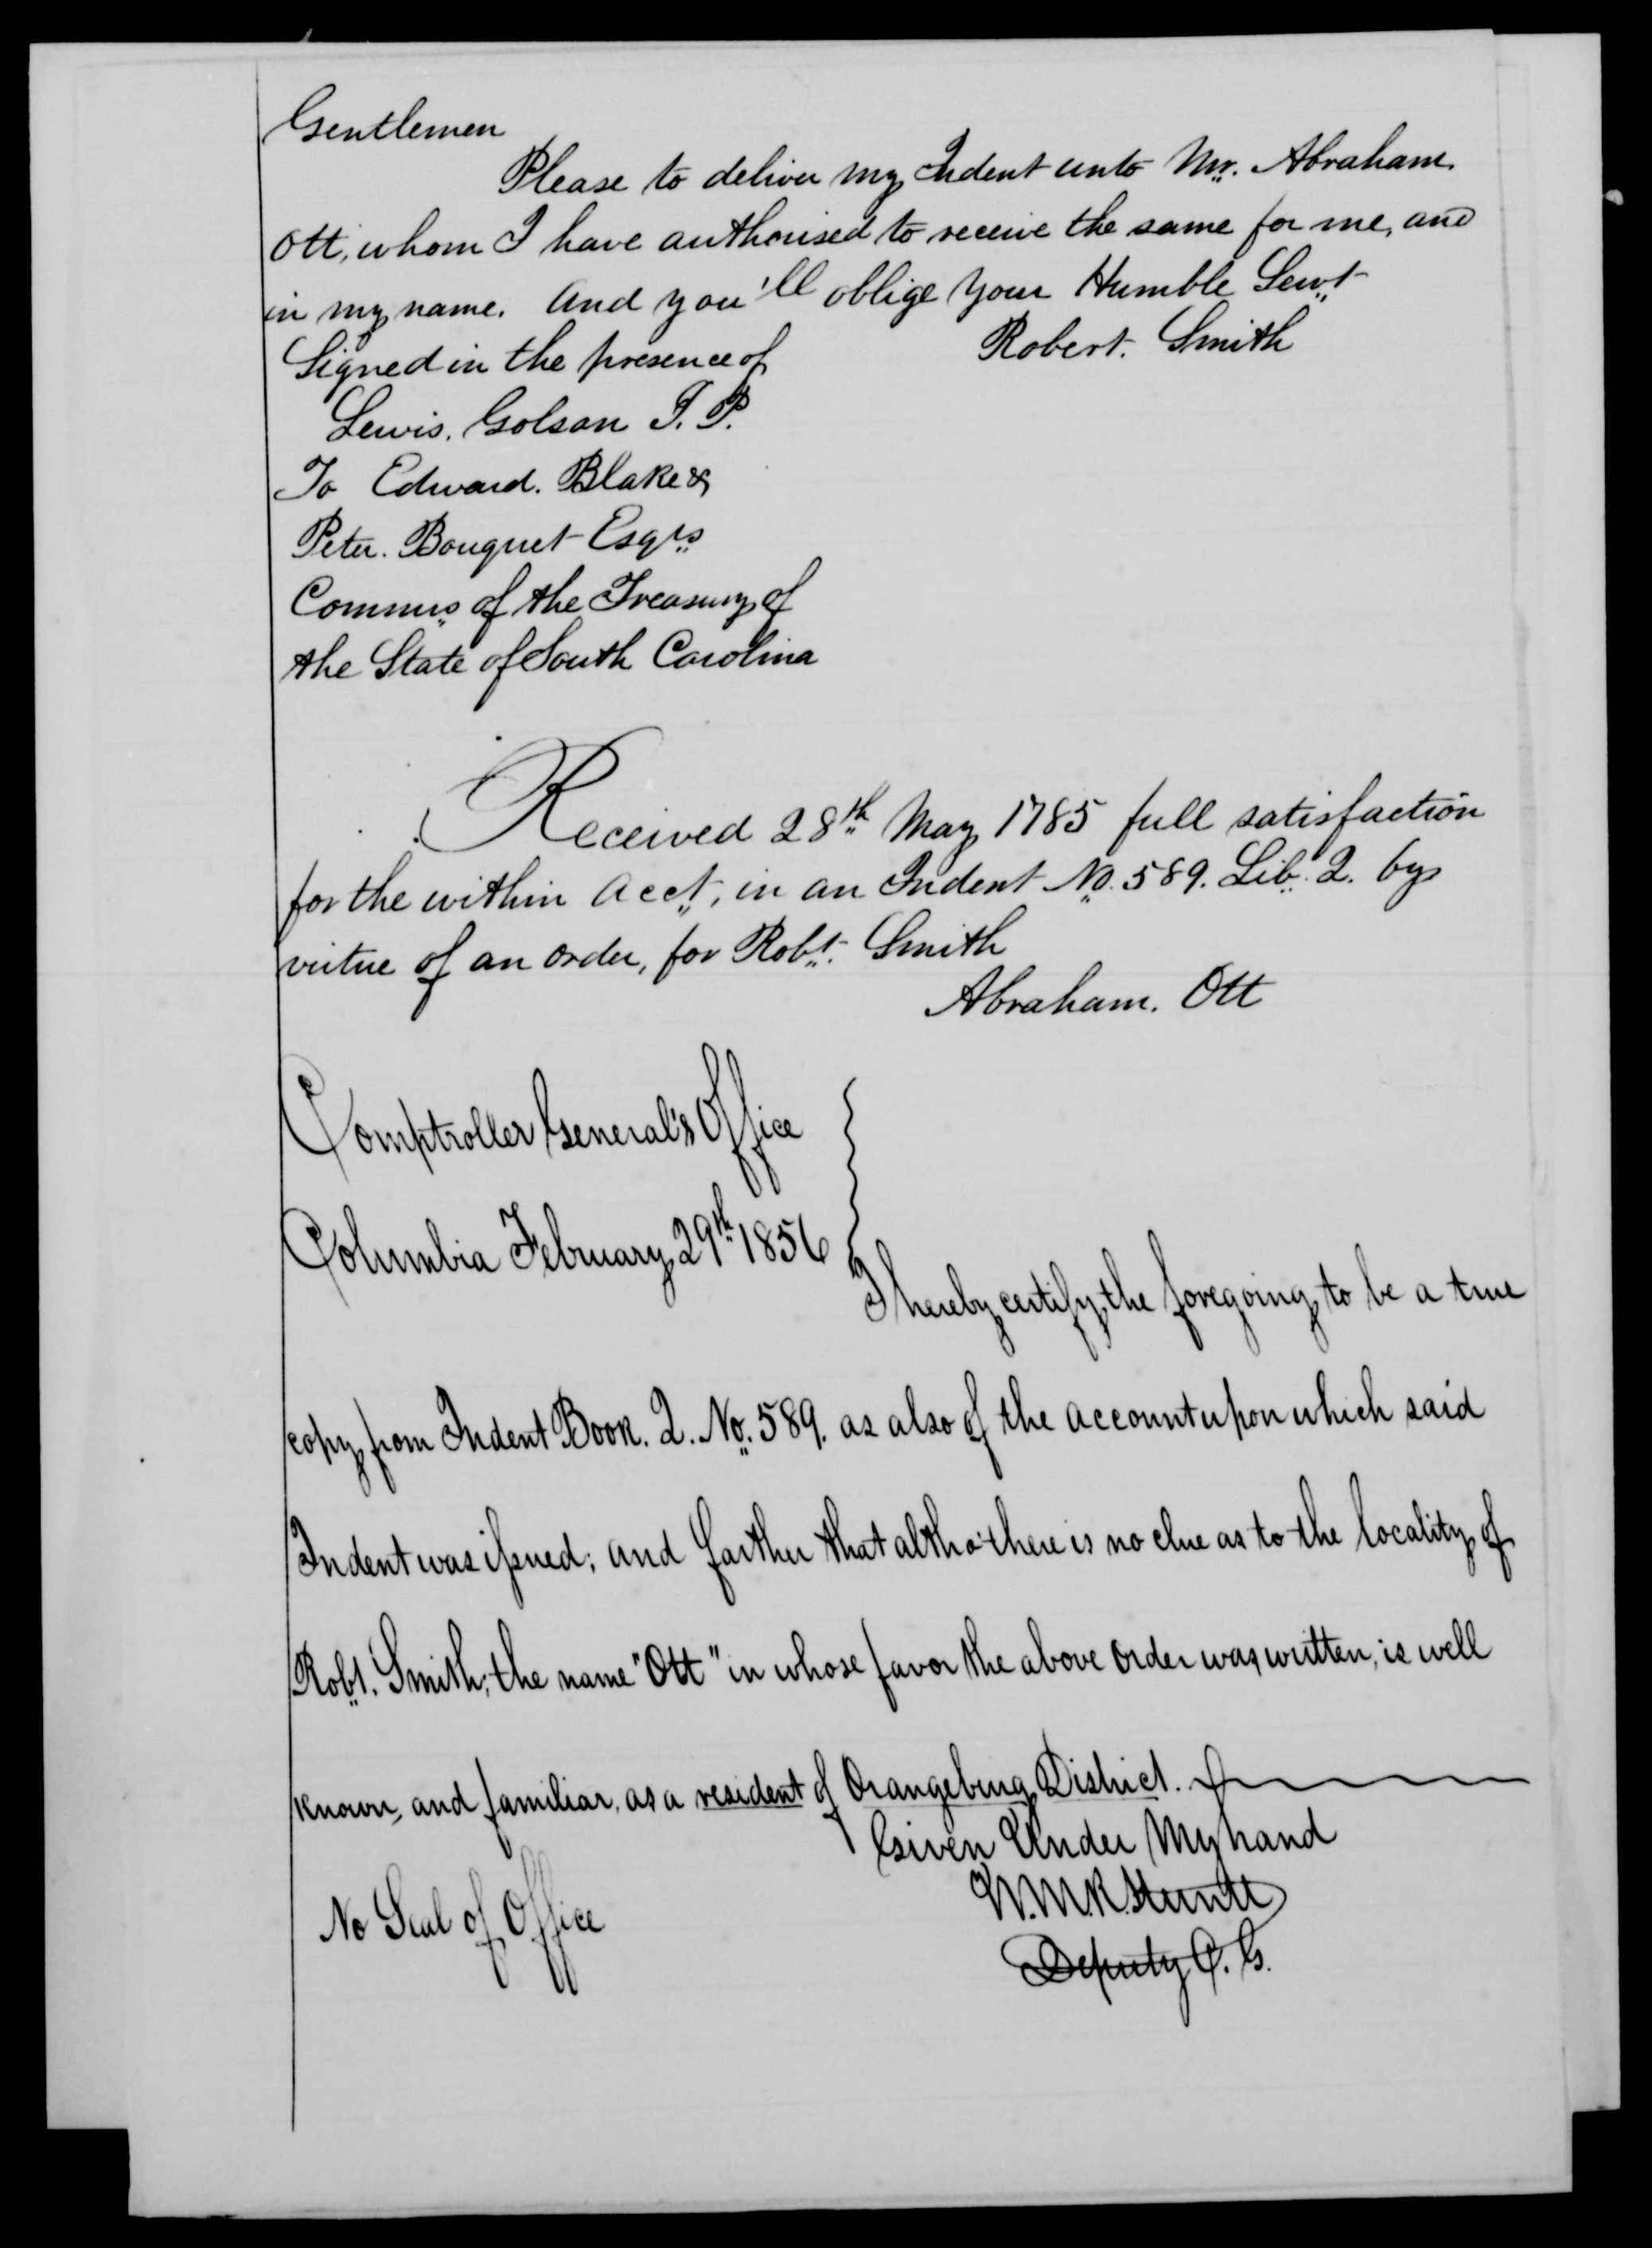Gentlemen
Please to deliver my Indent unto Mr. Abraham
Ott, whom I have authorized to receive the same for me, and
in my name. And you'll oblige Your Humble Servt
Robert Smith
Signed in the presence of 
Lewis, Golson J. P.
To Edward Blake &
Peter Banquet Esqr
Commis of the Treasury of
the State of South Carolina
Received 28th May 1785 full satisfaction
for the within acct. in an Indent No. 589. Lib 2 by
virtue of an order for Robt. Smith
Abraham, Ott
Comptroller General's Office
Columbia February 29th 1856
I hereby certify, the foregoing to be a true
copy from Indent Book, 2. No. 589, as also of the account when which said
Indent was issued, and farther that altho there is no clue to the locality of Robt. Smith, the name "Ott" in whose favor the above order was written, is well
known, and familiar, as a resident of Orangeburg District
Given Under My hand
Wm R Huntt
Deputy A G
No Seal of Office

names: Robt Smith; Wm R Huntt; Robt Smith; Robert Smith; [BLANK] Ott; Abraham Ott; Edward Blake; Abraham Ott; Lewis Golsan; Peter Bouquet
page: 20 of 28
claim: rejected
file: R. 9744, for Robert Smith, South Carolina